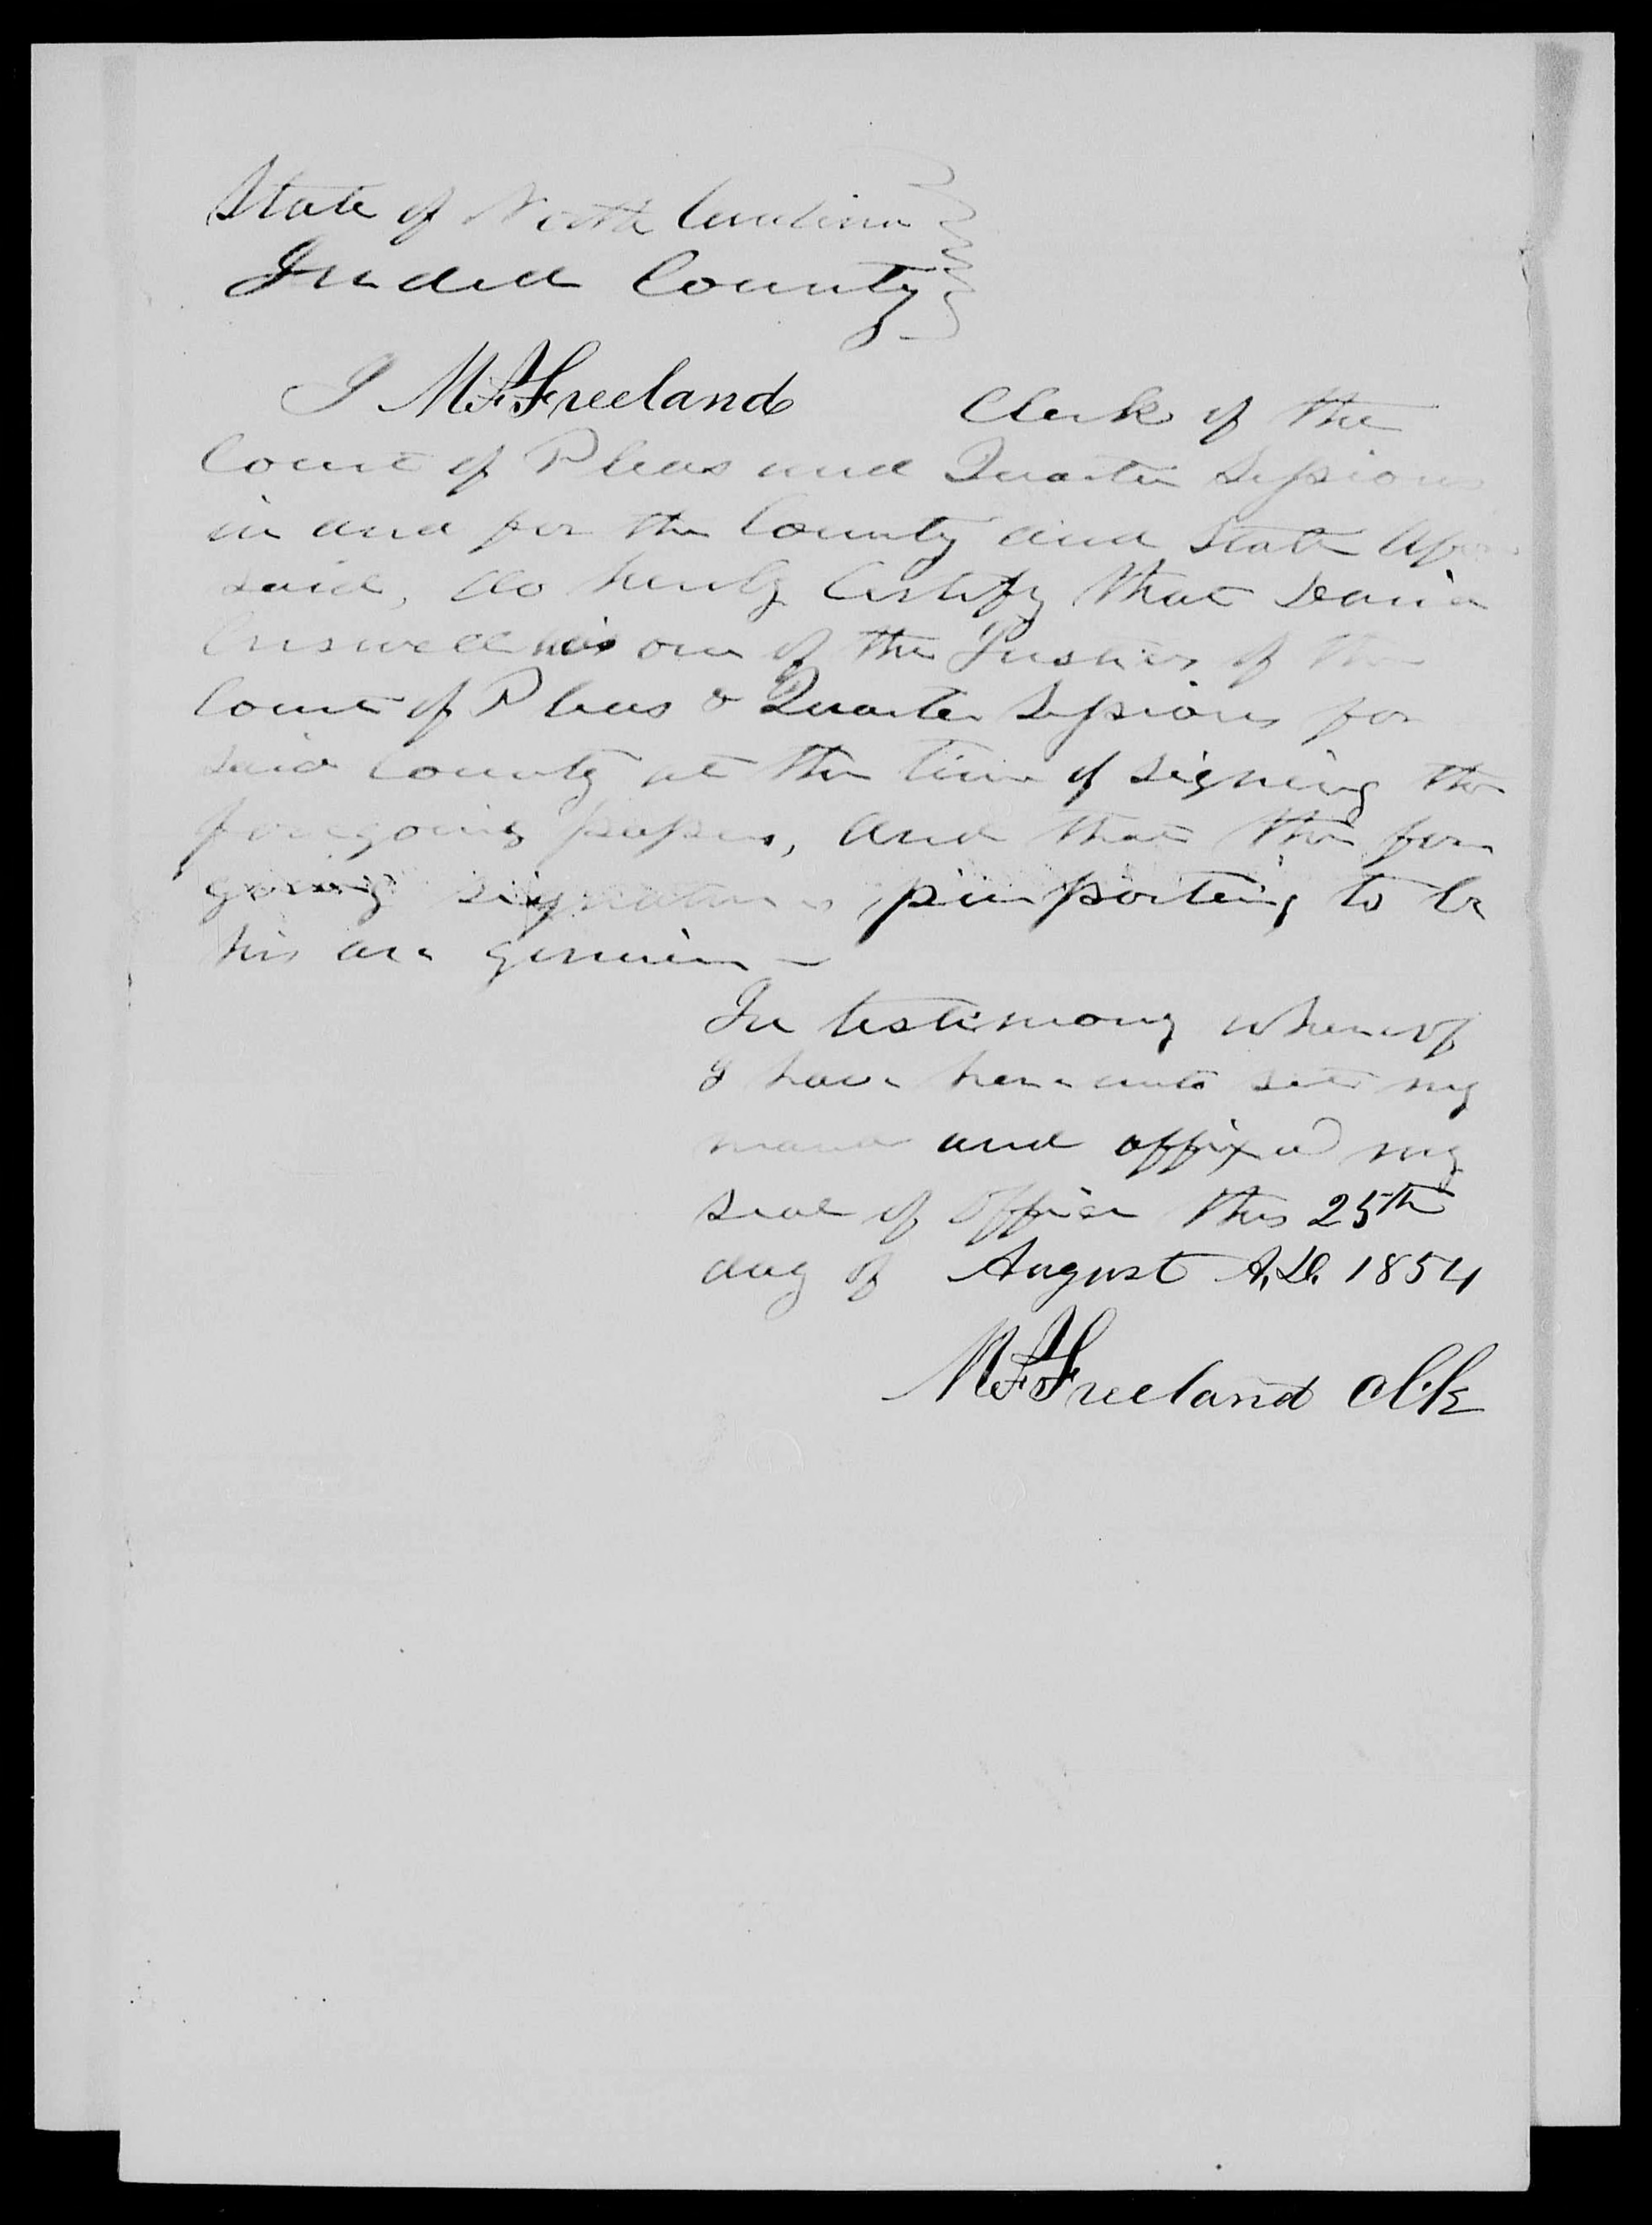State of North Carolina Iredell County ss
I M Freeland Clerk of the
Court of Pleas and Quarter Sessions
in and for the County and State of
said, do hereby certify that David
Answell was one of the Justices of the
come of Pleas & Quarter Sessions for
said County at the time of signing the
foregoing papers, and that the foregoing
 signatured purporting to be
his are genuine-
In testimony whereof
I have hereunto set my
hand and affixed my
Seal of Office this 25th
day of August A.D. 1854
M Freeland Clk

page: 7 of 13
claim: rejected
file: R. 6801, for Robert Mc Neely, Pennsylvania